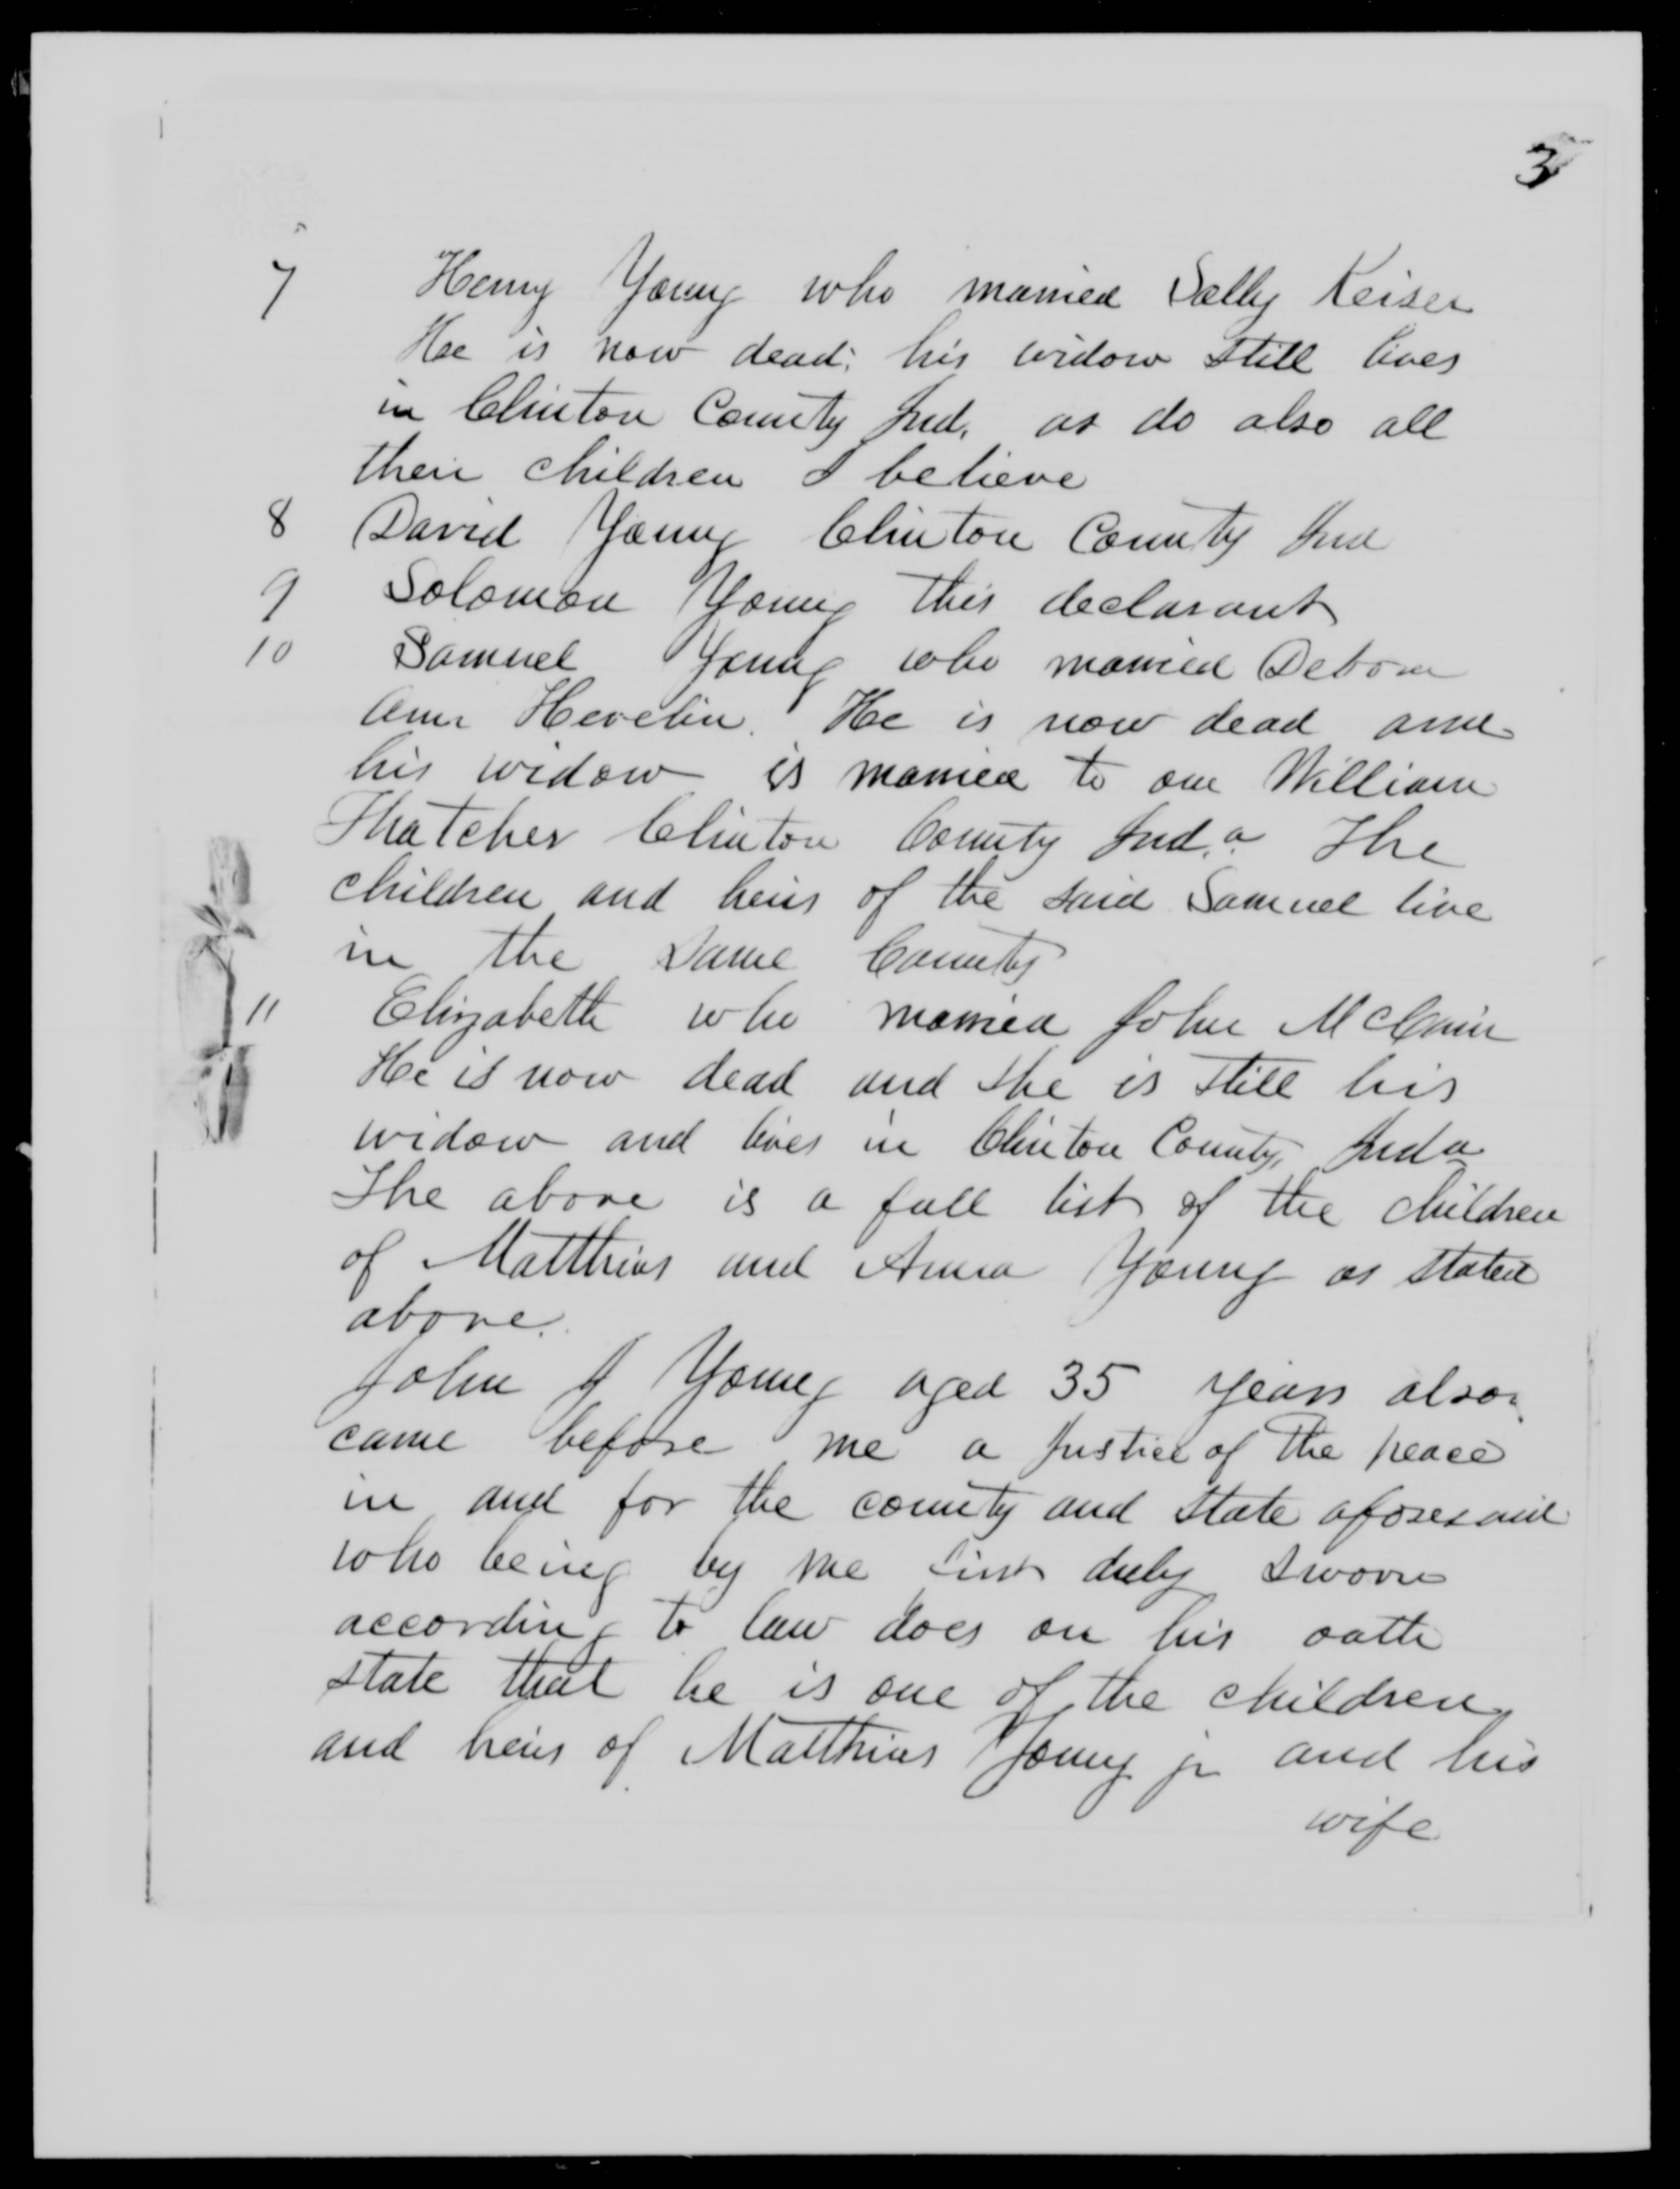3
7 Henry Young who married Sally Keiser.
He is now dead; his widow still lives
in Clinton County Ind, as do also all
their children I believe.
8 David Young Clinton County Ind
9 Solomon Young this declarant
10 Samuel Young who married Debora
Ann Hevelin. He is now dead and
his widow is married to one William
Thatcher Clinton County Ind’a. The
children and heirs of the said Samuel line
in the same County.
11 Elizabeth who married John McCain
He is now dead and she is still his
widow and lives in Clinton County, Inda.
The above is a full list of the children
of Matthias and Anna Young as stated
above.
John J Young aged 35 years also
came before me a Justice of the peace
in and for the County and State aforesaid
who being by me first duly sworn
according to law does on his oath
state that he is one of the children, 
and heirs of Matthias Young Jr and his
wife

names: Solomon Young, Debora Ann Hevelin, Matthias Young, Elizabeth, Sally Keiser, John J Young, David Young, Anna Young, Samuel Young, John Mc Cain, Henry Young, William Thatcher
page: 108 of 123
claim: rejected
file: R. 11,949, Matthias Young, Md.